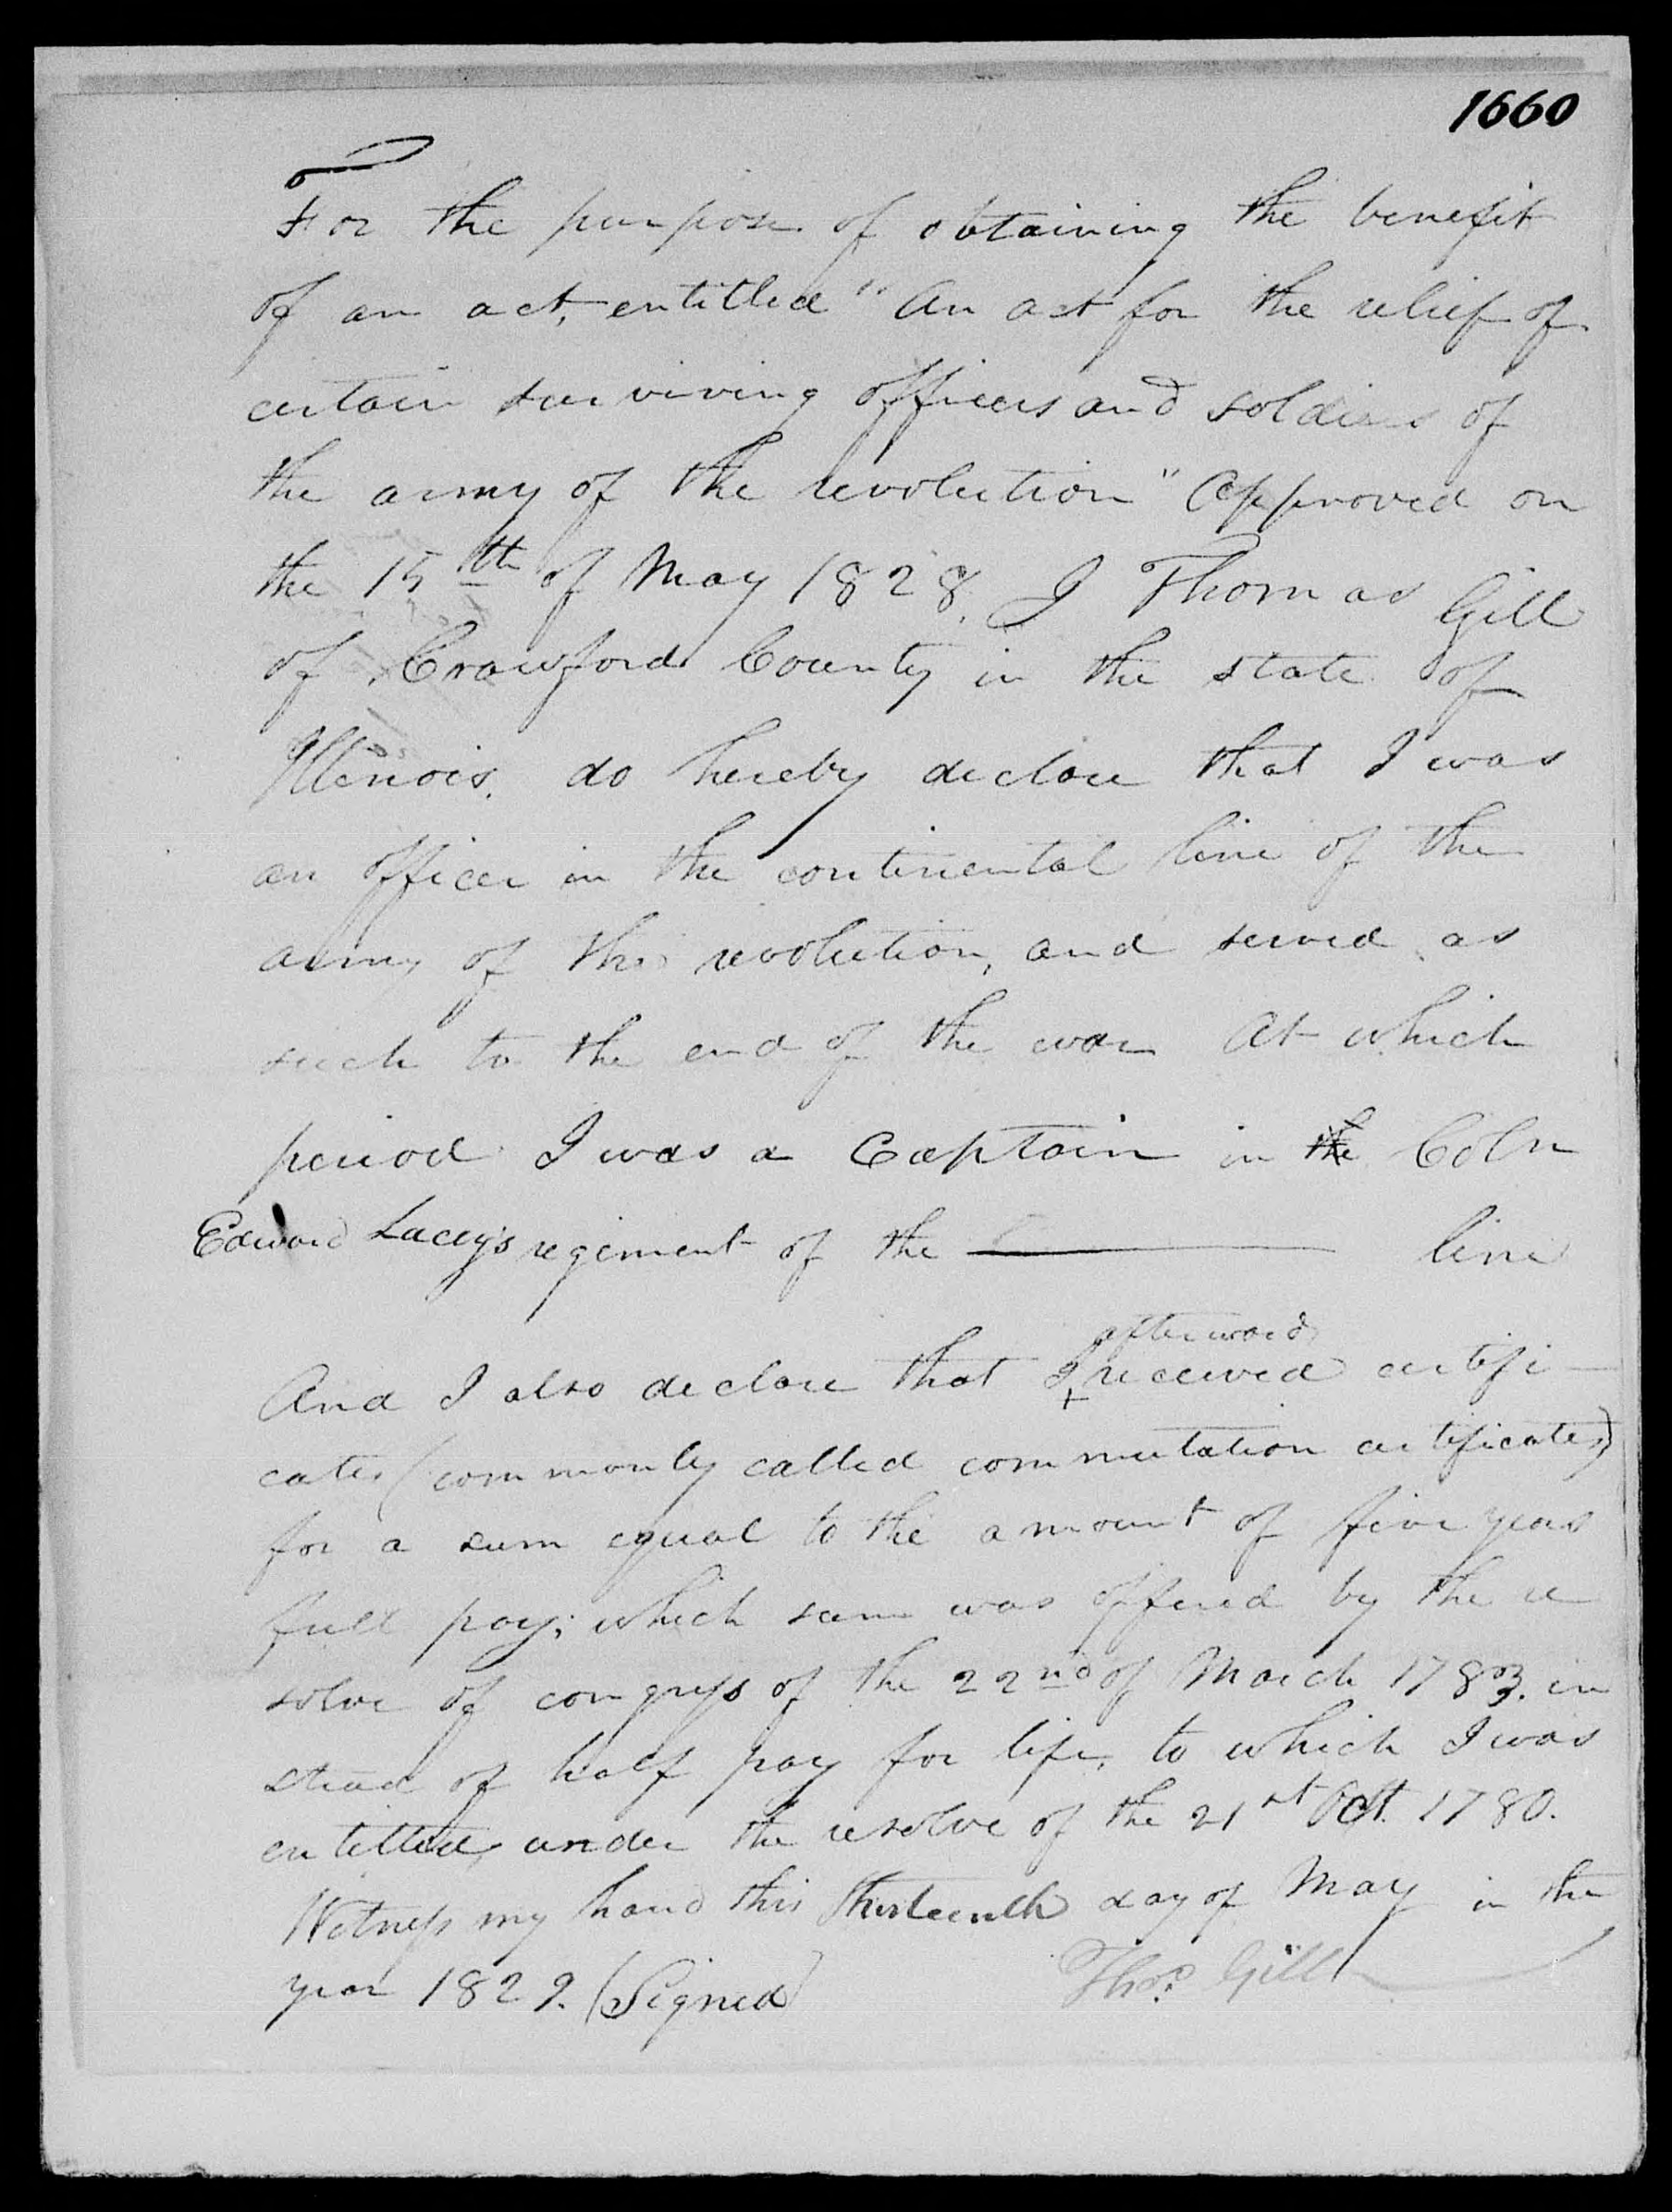1660                                                                       For the purpose of obtaining  the benefit of an act entitled " an act  for the relief of  certain surviving officers  and soldiers of the army of the revolution "  approved the 25th may  1828. I  Thomas Gill of Crawford Country in the State of Illinois  do hereby declare that I  was an officer in the continental line of the  army of the revolution, and served as such to the end of the war. At which period I was a Captain in  Col. Edward Lacey's regiment of the  __ line.  And I also declare that afterwards I received certificates ( commonly call commutation certificates ) for a sum equal  to the amount of five years full pay ; which sum was offered by the resolve of Congress of the 22nd March 1783 instead of half pay for life to which  I was entitled under the resolve of the 21st  Oct. 1780.  Witness my hand this thirteenth day of May in the year 1829. ( signed ) Thos . Gill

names: Thomas Gill, Thos Gill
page: 25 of 44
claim: survivor's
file: S. 31,061, Thomas Gill, S.C.